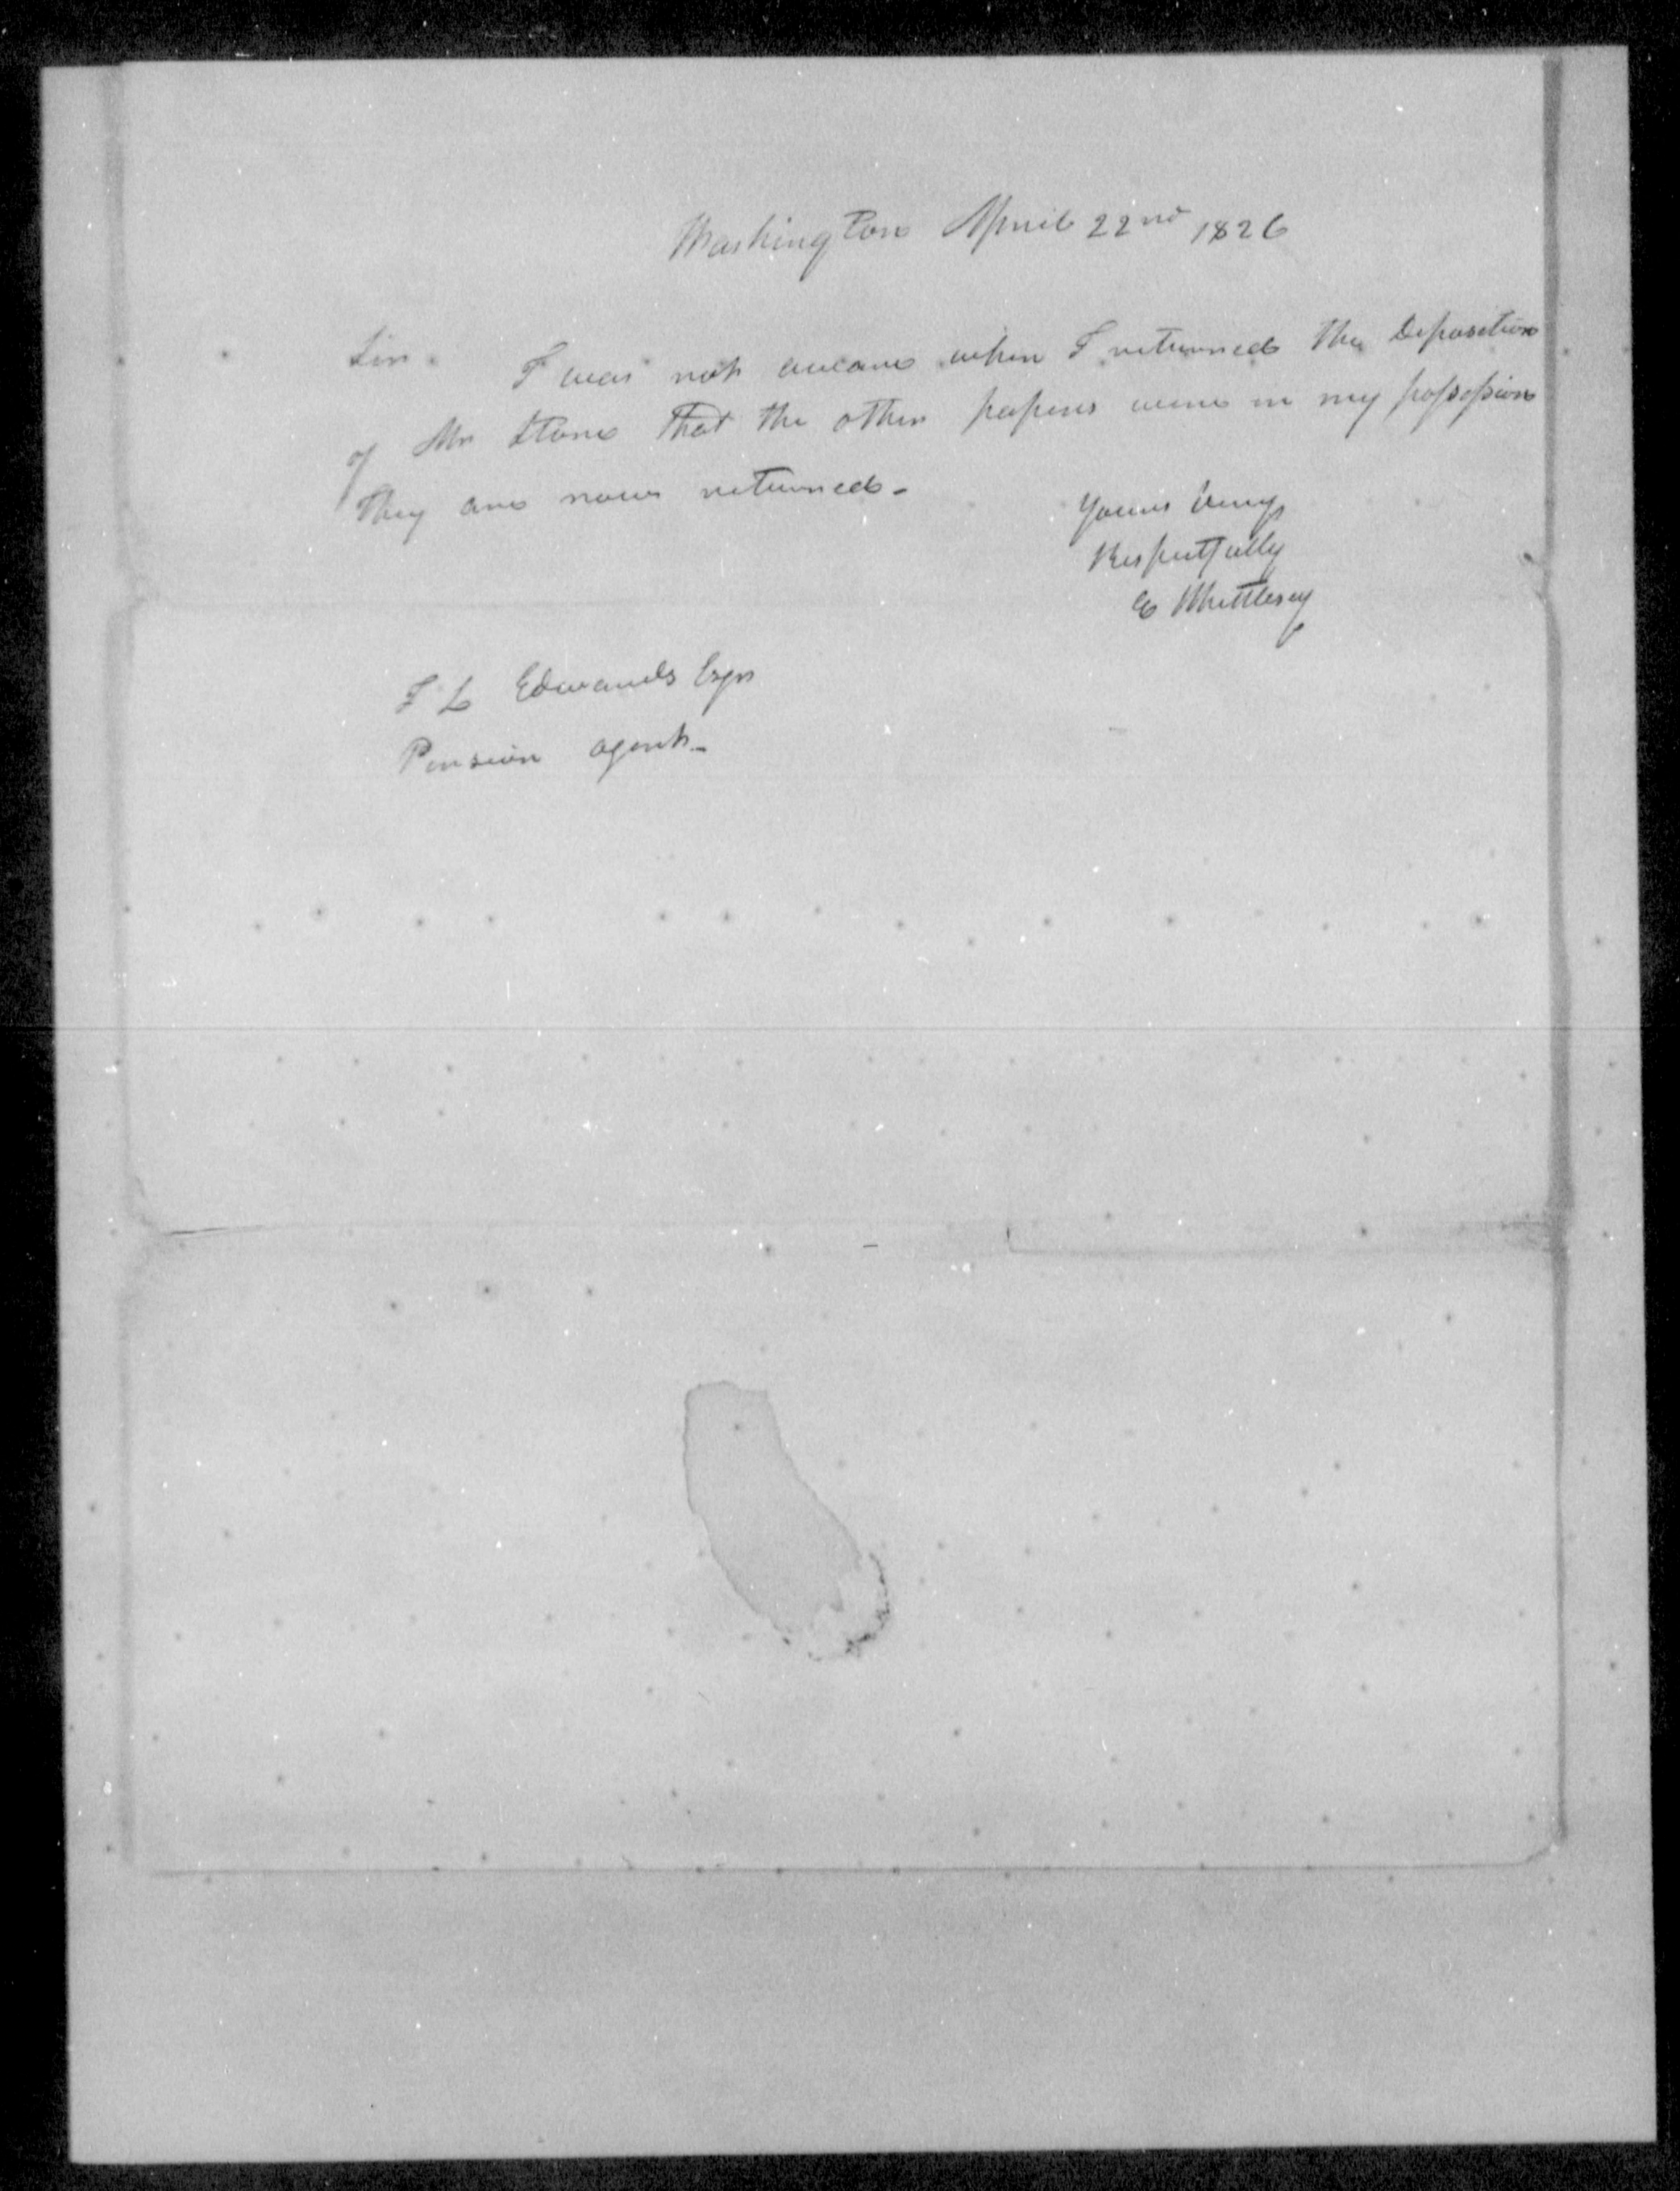Washington April 22nd 1826
Sir
I was not because when I returned the Deposition of Mr Stone that the other papers were in my possession.
They are now returned.
Yours truly
Respectfully
E Whittlesey

J L Edwards Esqr
Pension agent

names: J L Edwards; [BLANK] Stone; E Whittlesey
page: 86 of 109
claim: widow's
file: W. 5709, for Thomas Richards, New Hampshire